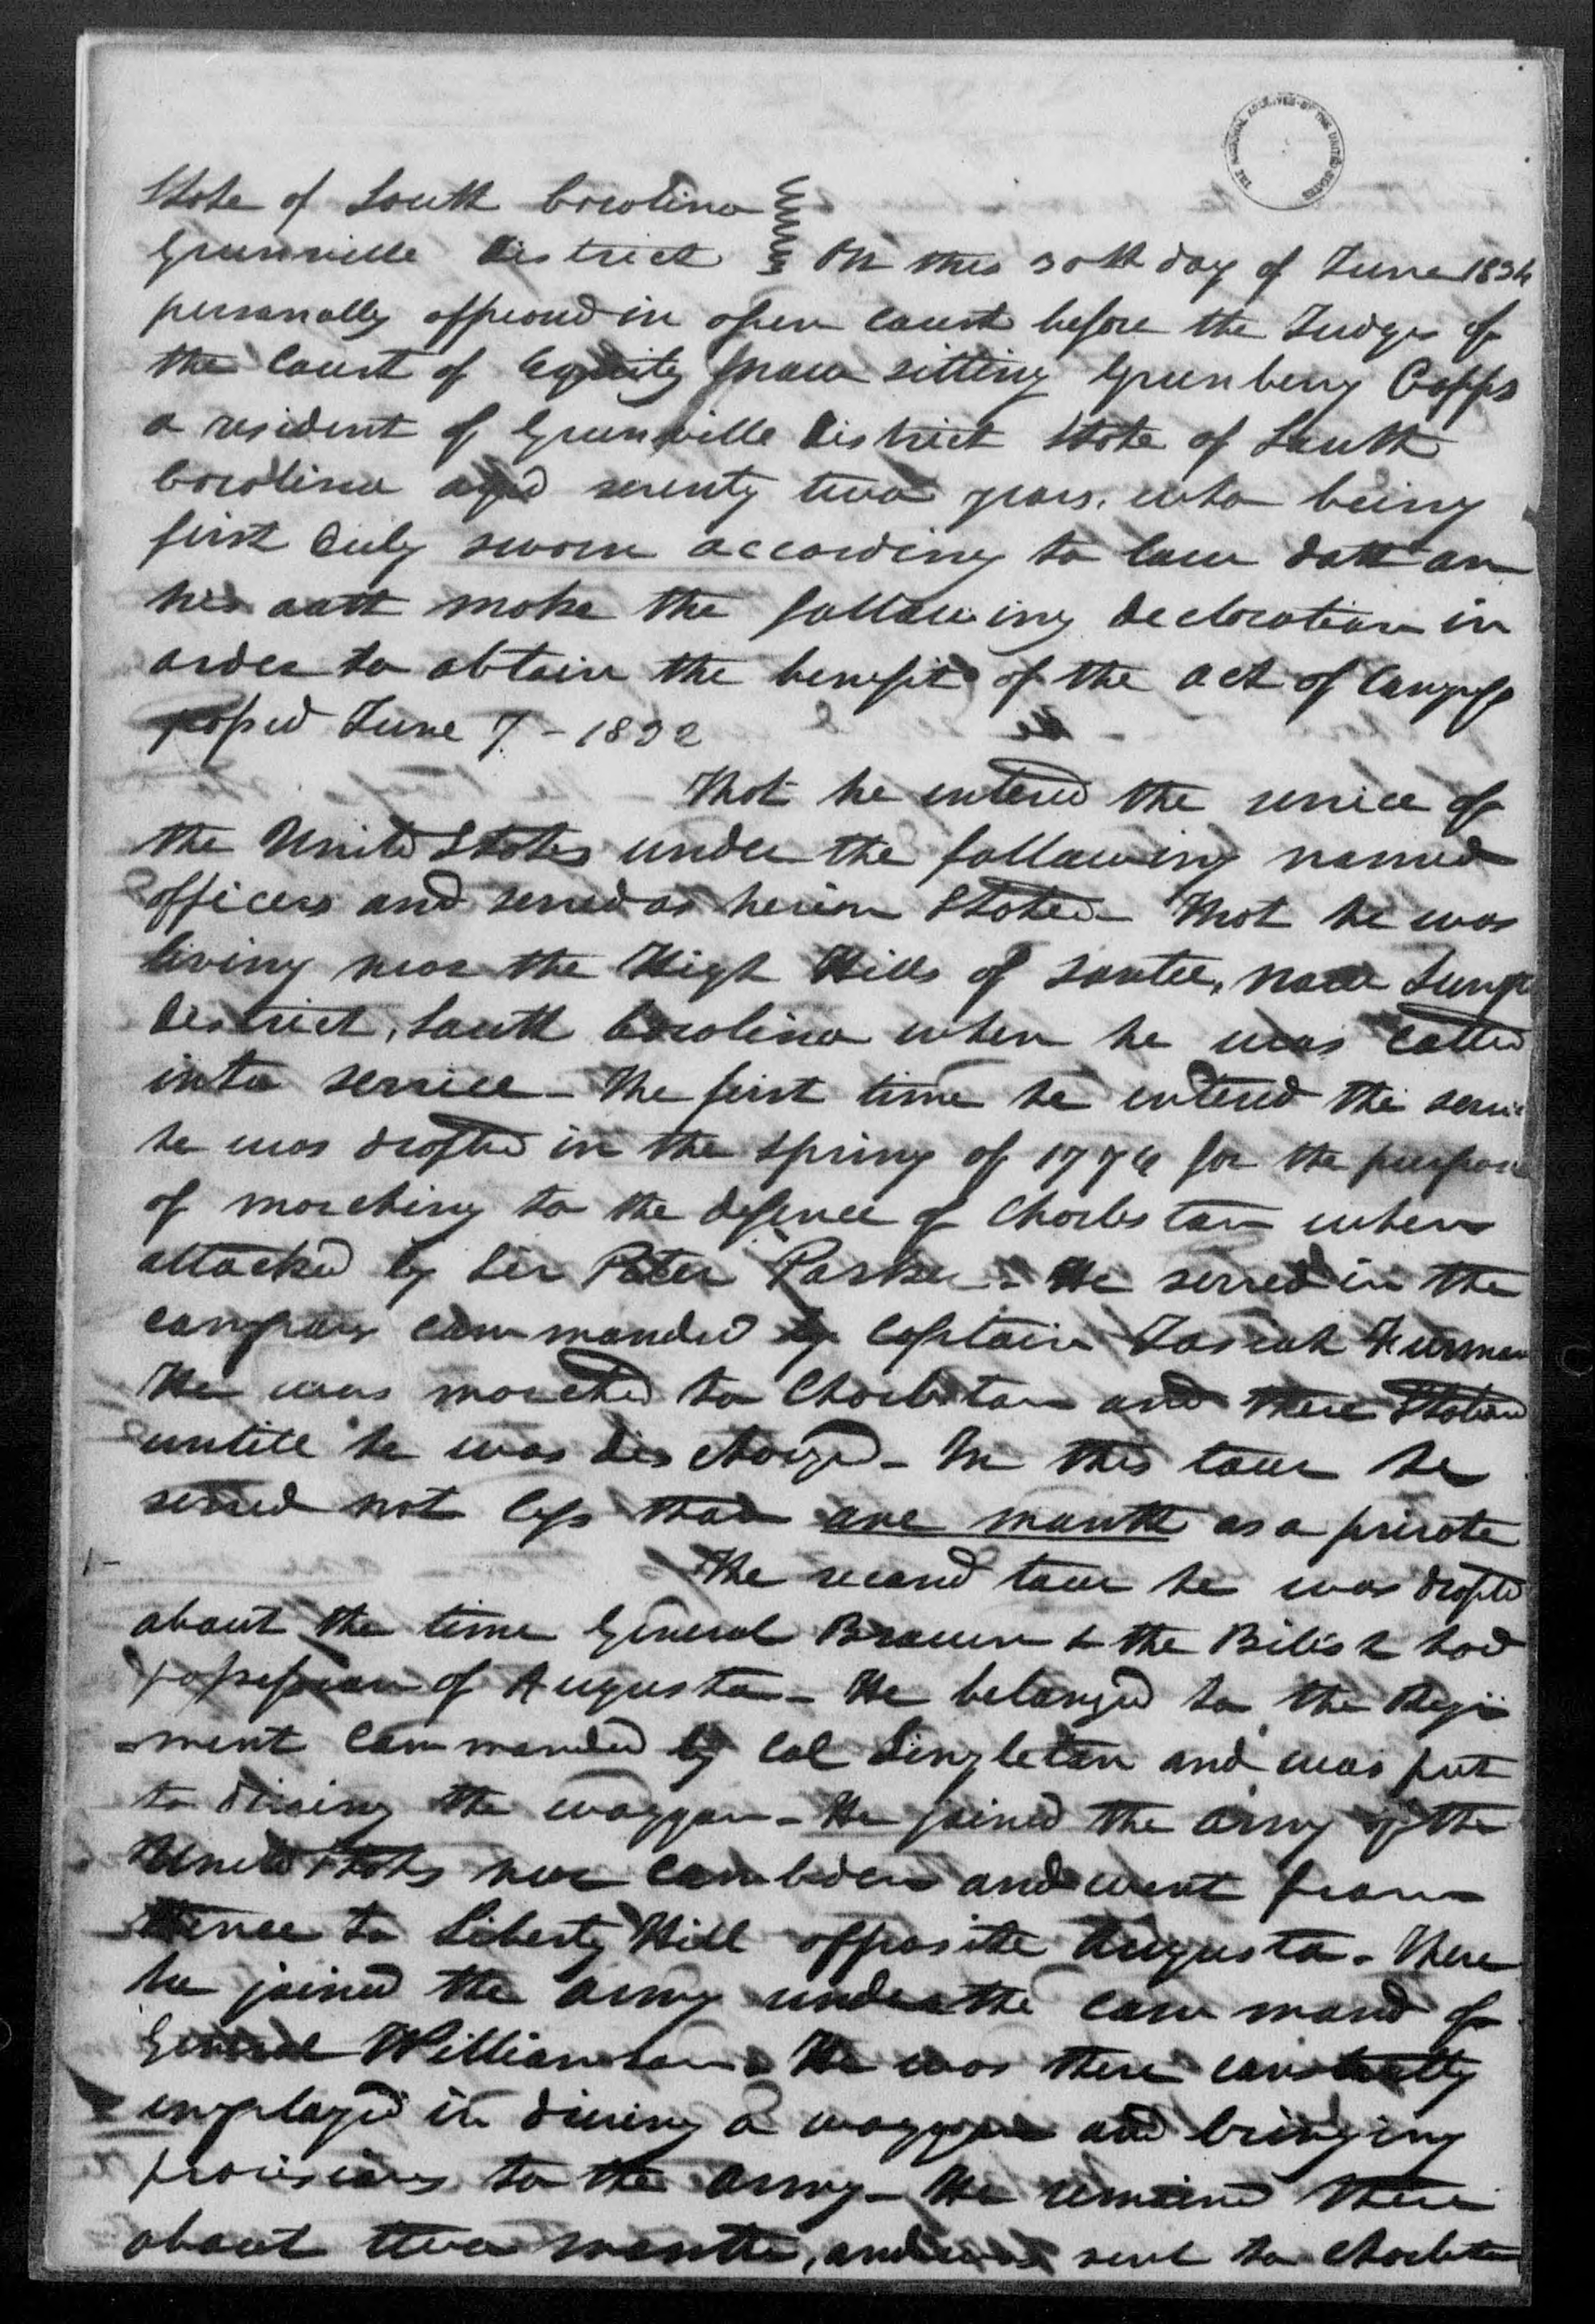State of South Carolina
Granville District On this 30th day of June 1834
personally appeared in open court before the Judge of
the Court of Equity now sitting Granberry Capps
a resident of Granville District State of South Carolina
aged seventy two years, who being
first duly sworn according to law doth on
his oath make the following declaration in
order to obtain the benefit of the act of Congress
passed June 7. 1832
That he entered the service of
the United States under the following named
officers and served as herein stated. That he was
living near the High Hills of 
Santee, now Sumter
District, South Carolina when he was called
into service the first time he entered the service
he was drafted in the spring of 1776 for the purpose
of marching to the defence of Charleston when
attacked by Sir Peter Parker. He served in the
company commanded by Captain Josiah Furman
He was marched to Charleston and there [illegible]
untill he was discharge. In this tour he
served not less than one month as a private
the second time he was drafted
about the time General Brown & the British had
possession of Augusta. He belonged to the regiment commanded by Col Singleton and was put
to driving the waggon, he joined the army of the
United States [illegible] and went from
[illegible] to Liberty Hill opposite Augusta. There
he joined the army under the command of
General William Law He was there constantly 
employed in driving a waggon and bringing
provisions to the army. he remained there
about two months, and was sent to Charleston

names: Josiah Furman, Peter Parker, Greenberry Capps, Brown, Williamson, Singleton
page: 4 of 26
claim: survivor's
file: S. 21105, Greenbery Caps, S.C.